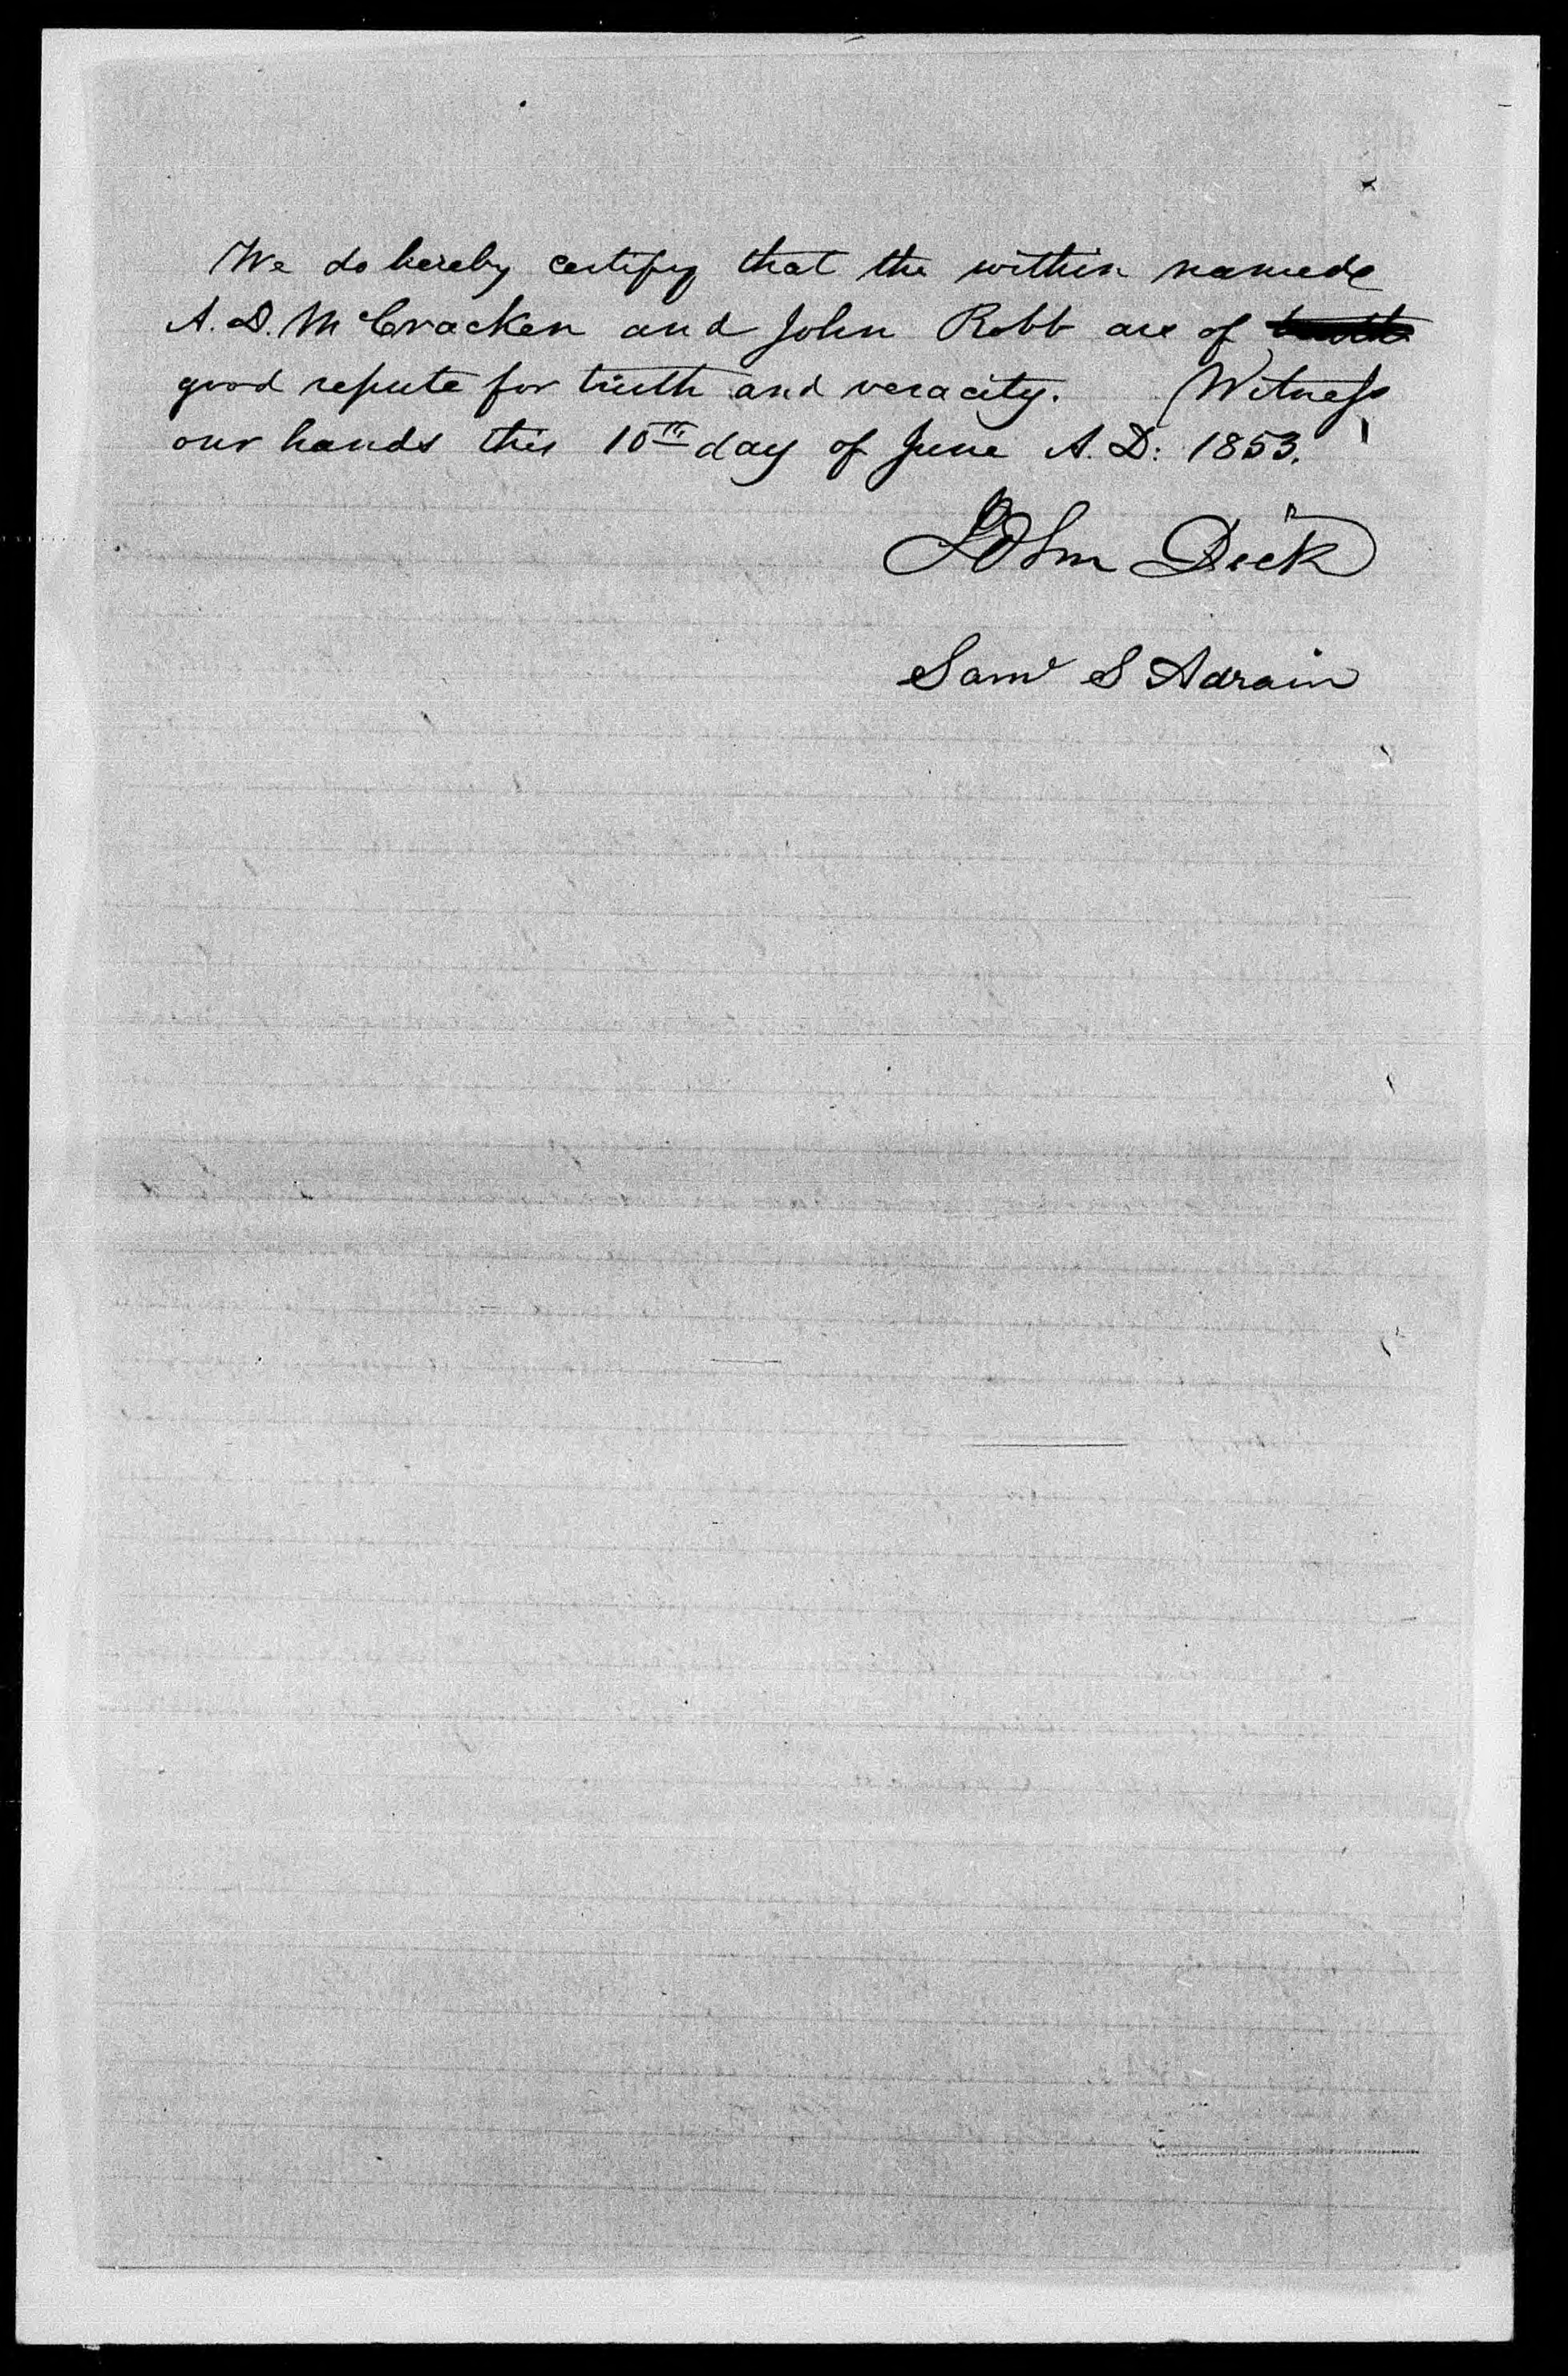We do hereby certify that the written named
A.D.M Cracken and John Robb are of
good repute for truth and veracity. Witness
our hands this 10th day of June A.D. 1853

John Dick
Saml S Adrain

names: John Robb, A D Mc Cracken, Saml S Adrain, John Dick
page: 28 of 63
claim: widow's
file: W. 3228, John Daly, Penn.